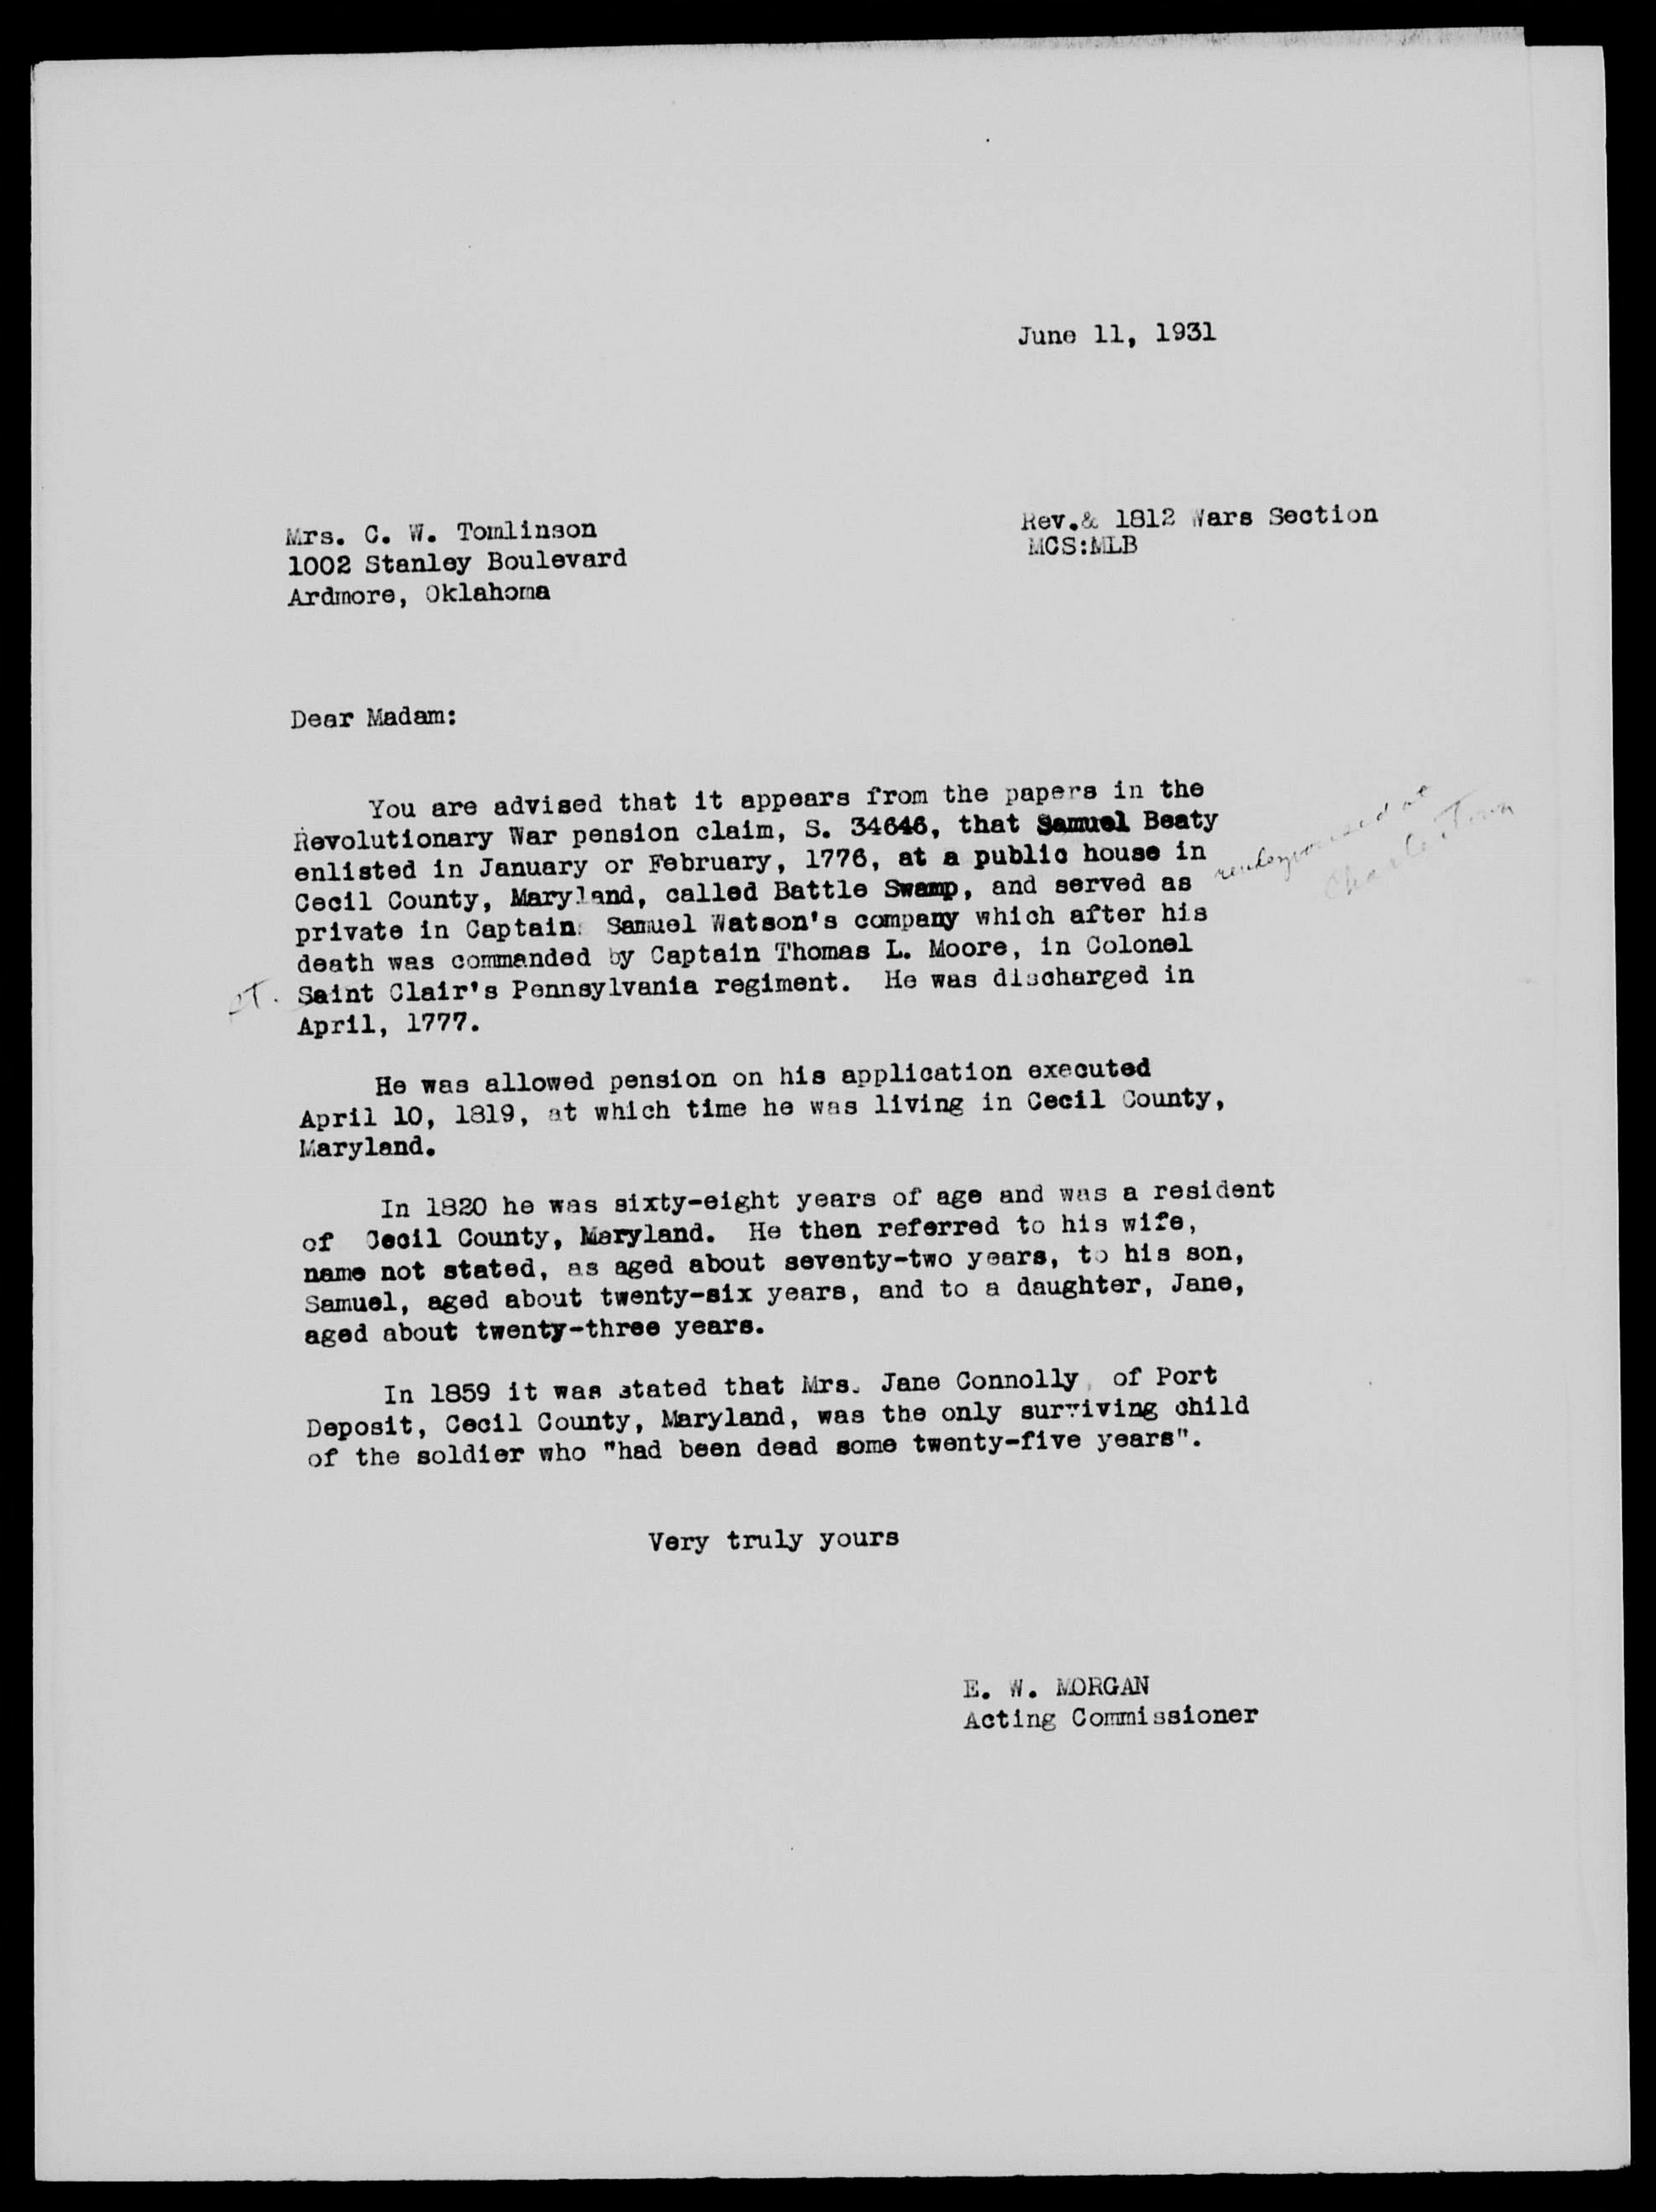June 11, 1931

Mrs. C.W. Tomlinson
1002 Stanley Boulevard
Ardmore, Oklahoma

Rev. & 1812 Wars Section
MCS:MLB

Dear Madam:

You are advised that it appears from the papers in the Revolutionary War pension claim, S. 34646, that Samuel Beaty enlisted in January or February, 1776, at a public house in Cecil County, Maryland, called Battle Swamp, and served as [handwritten comment "rendezvoused at Charleston"] private in Captain Samuel Watson's company which after his death was commanded by Captain Thomas L. Moore, in Colonel Saint Clair's Pennsylvania regiment. He was discharged in April 1777.
He was allowed pension on his application executed April 10, 1819, at which time he was living in Cecil County, Maryland.
In 1820 he was sixty-eight years of age and was a resident of Cecil County, Maryland. He then referred to his wife, name not stated, as aged about seventy-two years, to his son, Samuel, aged about twenty-six years, and to a daughter, Jane, aged about twenty-three years.
In 1859 it was stated that Mrs. Jane Connolly of Port Deposit, Cecil County, Maryland, was the only surviving child of the soldier who "had been dead some twenty-five years".

Very truly yours

E. W. Morgan
Acting Commissioner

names: Jane Connolly, E W Morgan, C W Tomlinson, Thomas L Moore, Samuel Beaty, Jane, Samuel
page: 31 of 31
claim: survivor's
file: S. 34646, Samuel Beaty, Penn.